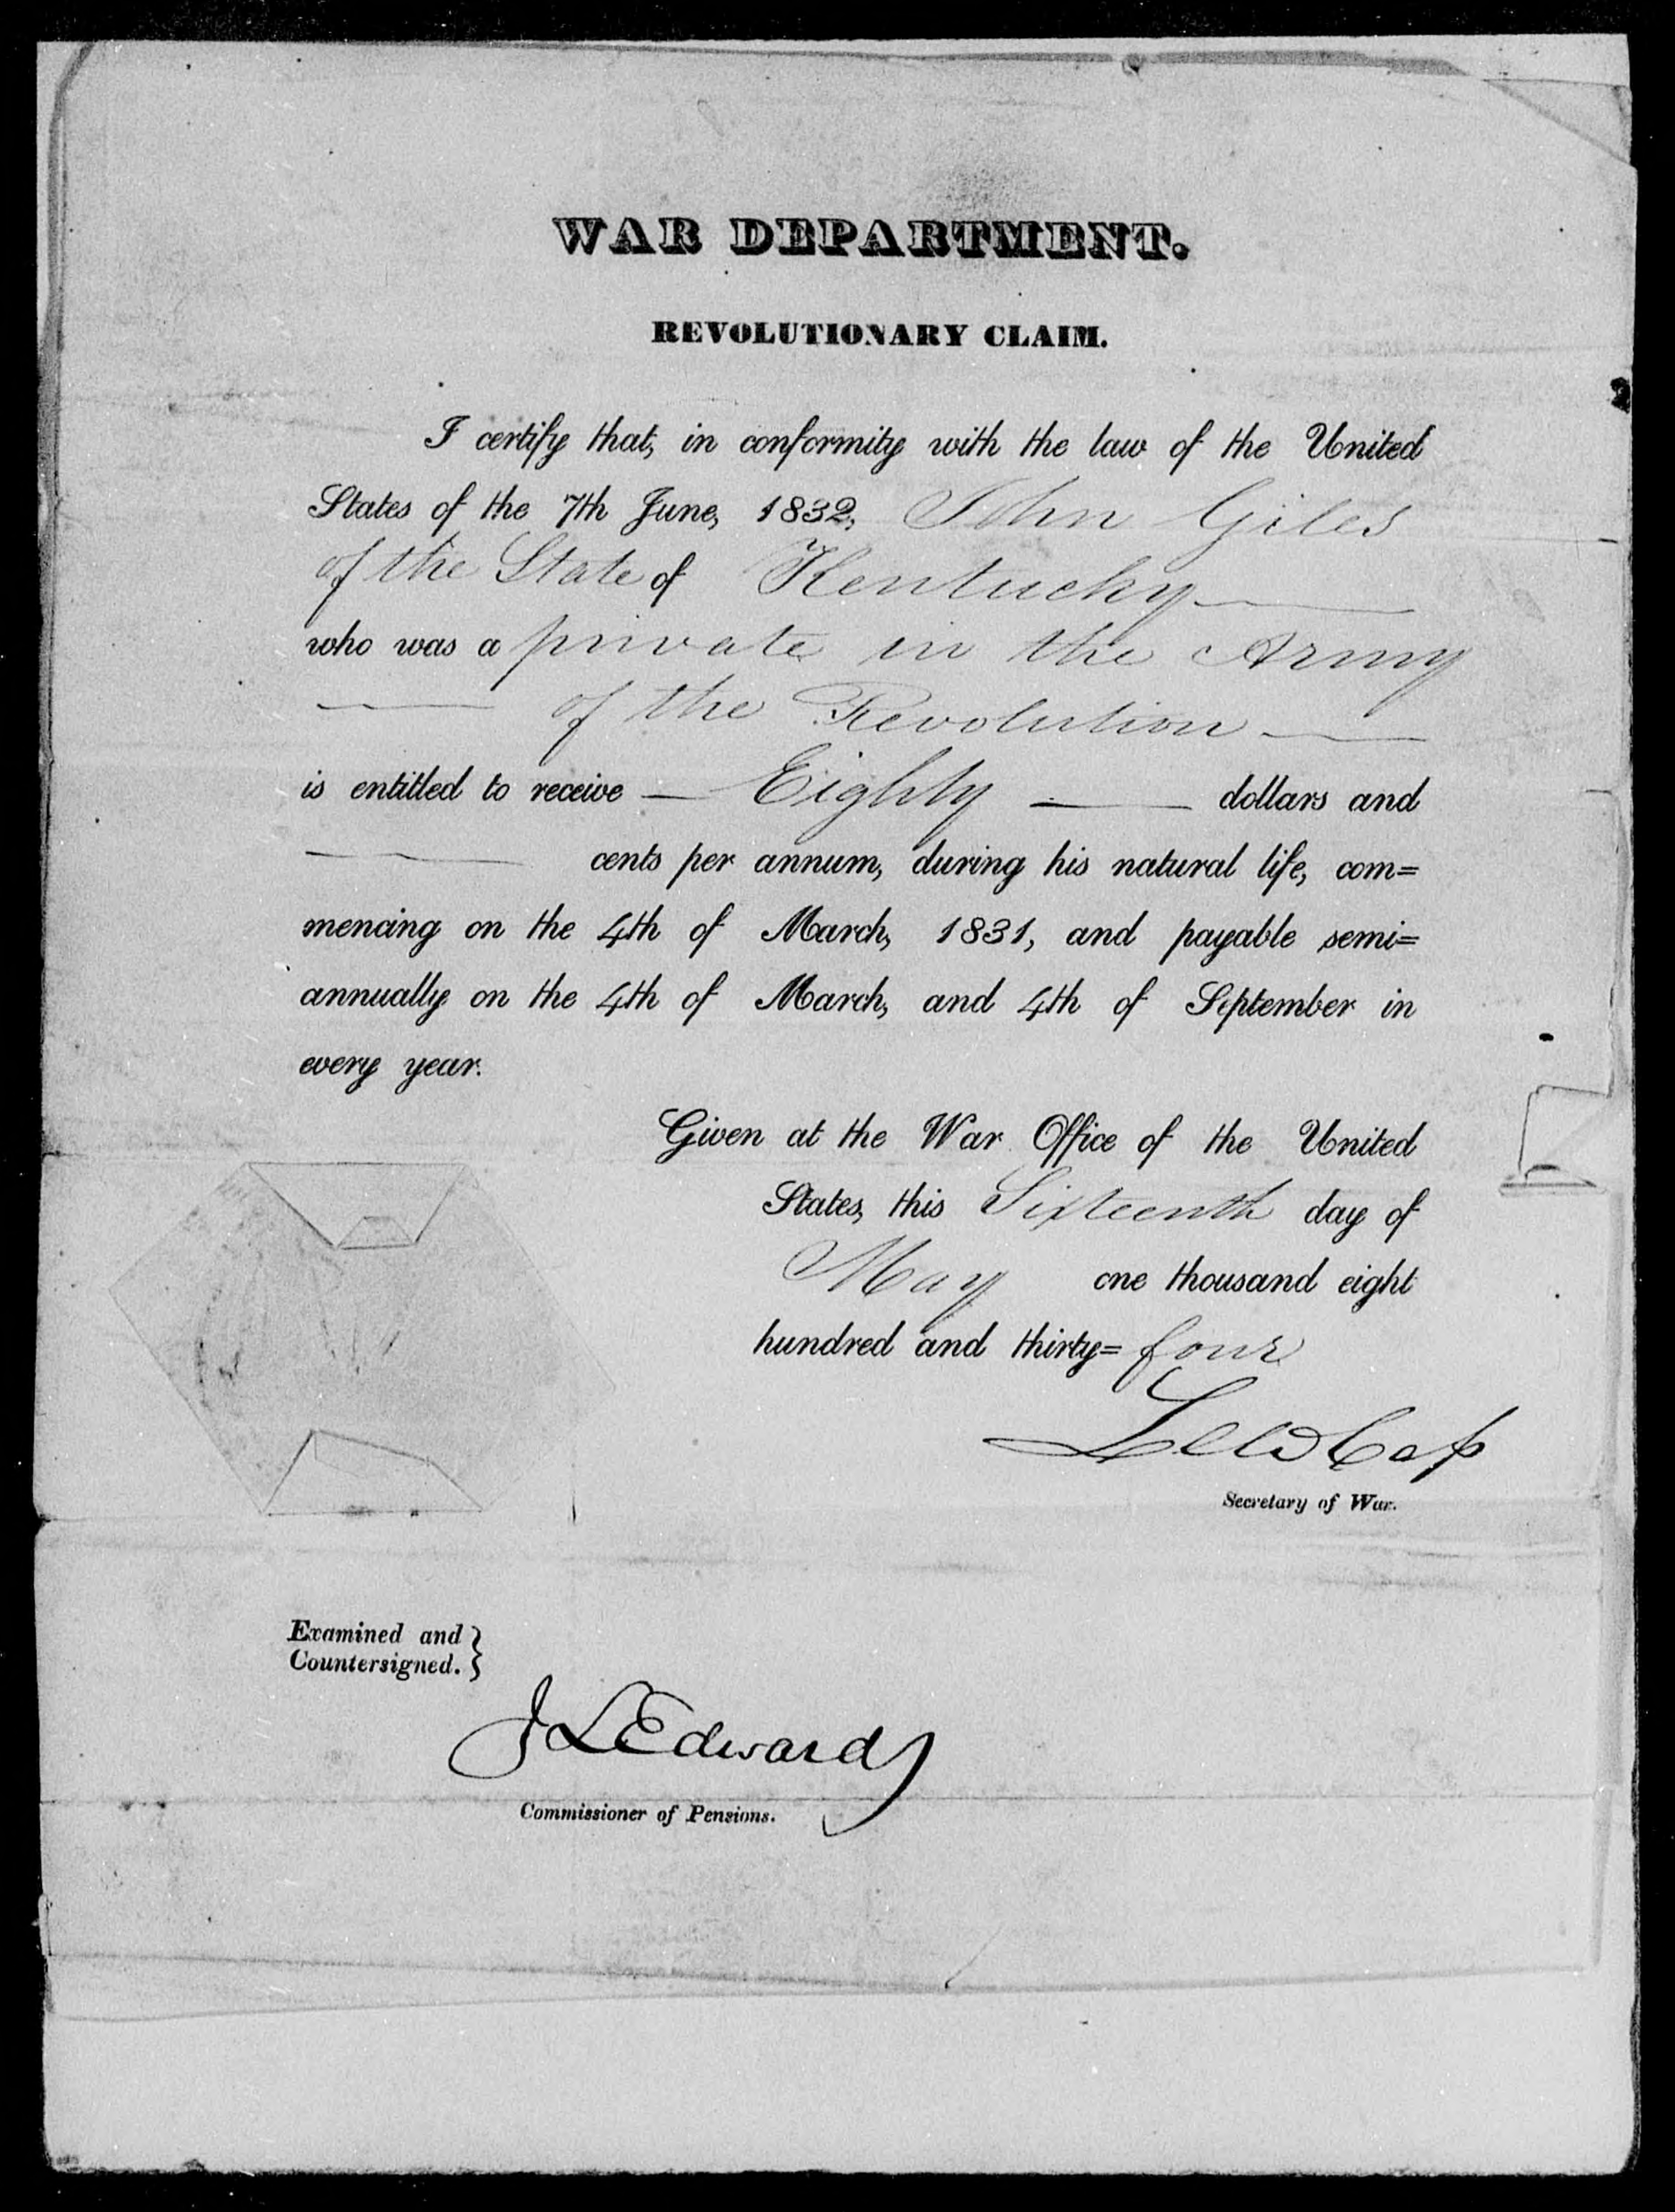WAR DEPARTMENT.
REVOLUTIONARY CLAIM.
I certify that, in conformity with the law of the United States of the 7th June, 1832, John Giles
of the State of Kentucky who was a private in the Army--- of the Revolution -------- is
entitled to receive Eighty dollars and ----
cents per annum, during his natural life, commencing on the 4th of March, 1831, and payable semiannually on the 4th of March, and 4th of September in every year.
Given at the War Office of the United States,
this Sixteenth day of
May one thousand eight hundred and thirty-four
Lew Cass
Secretary of War.
Examined and
Countersigned. }
J.L. Edwards
Commissioner of Pensions.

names: John Giles, Lew Cass, J L Edwards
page: 72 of 82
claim: widow's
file: W. 7,522, John Giles, N.C.